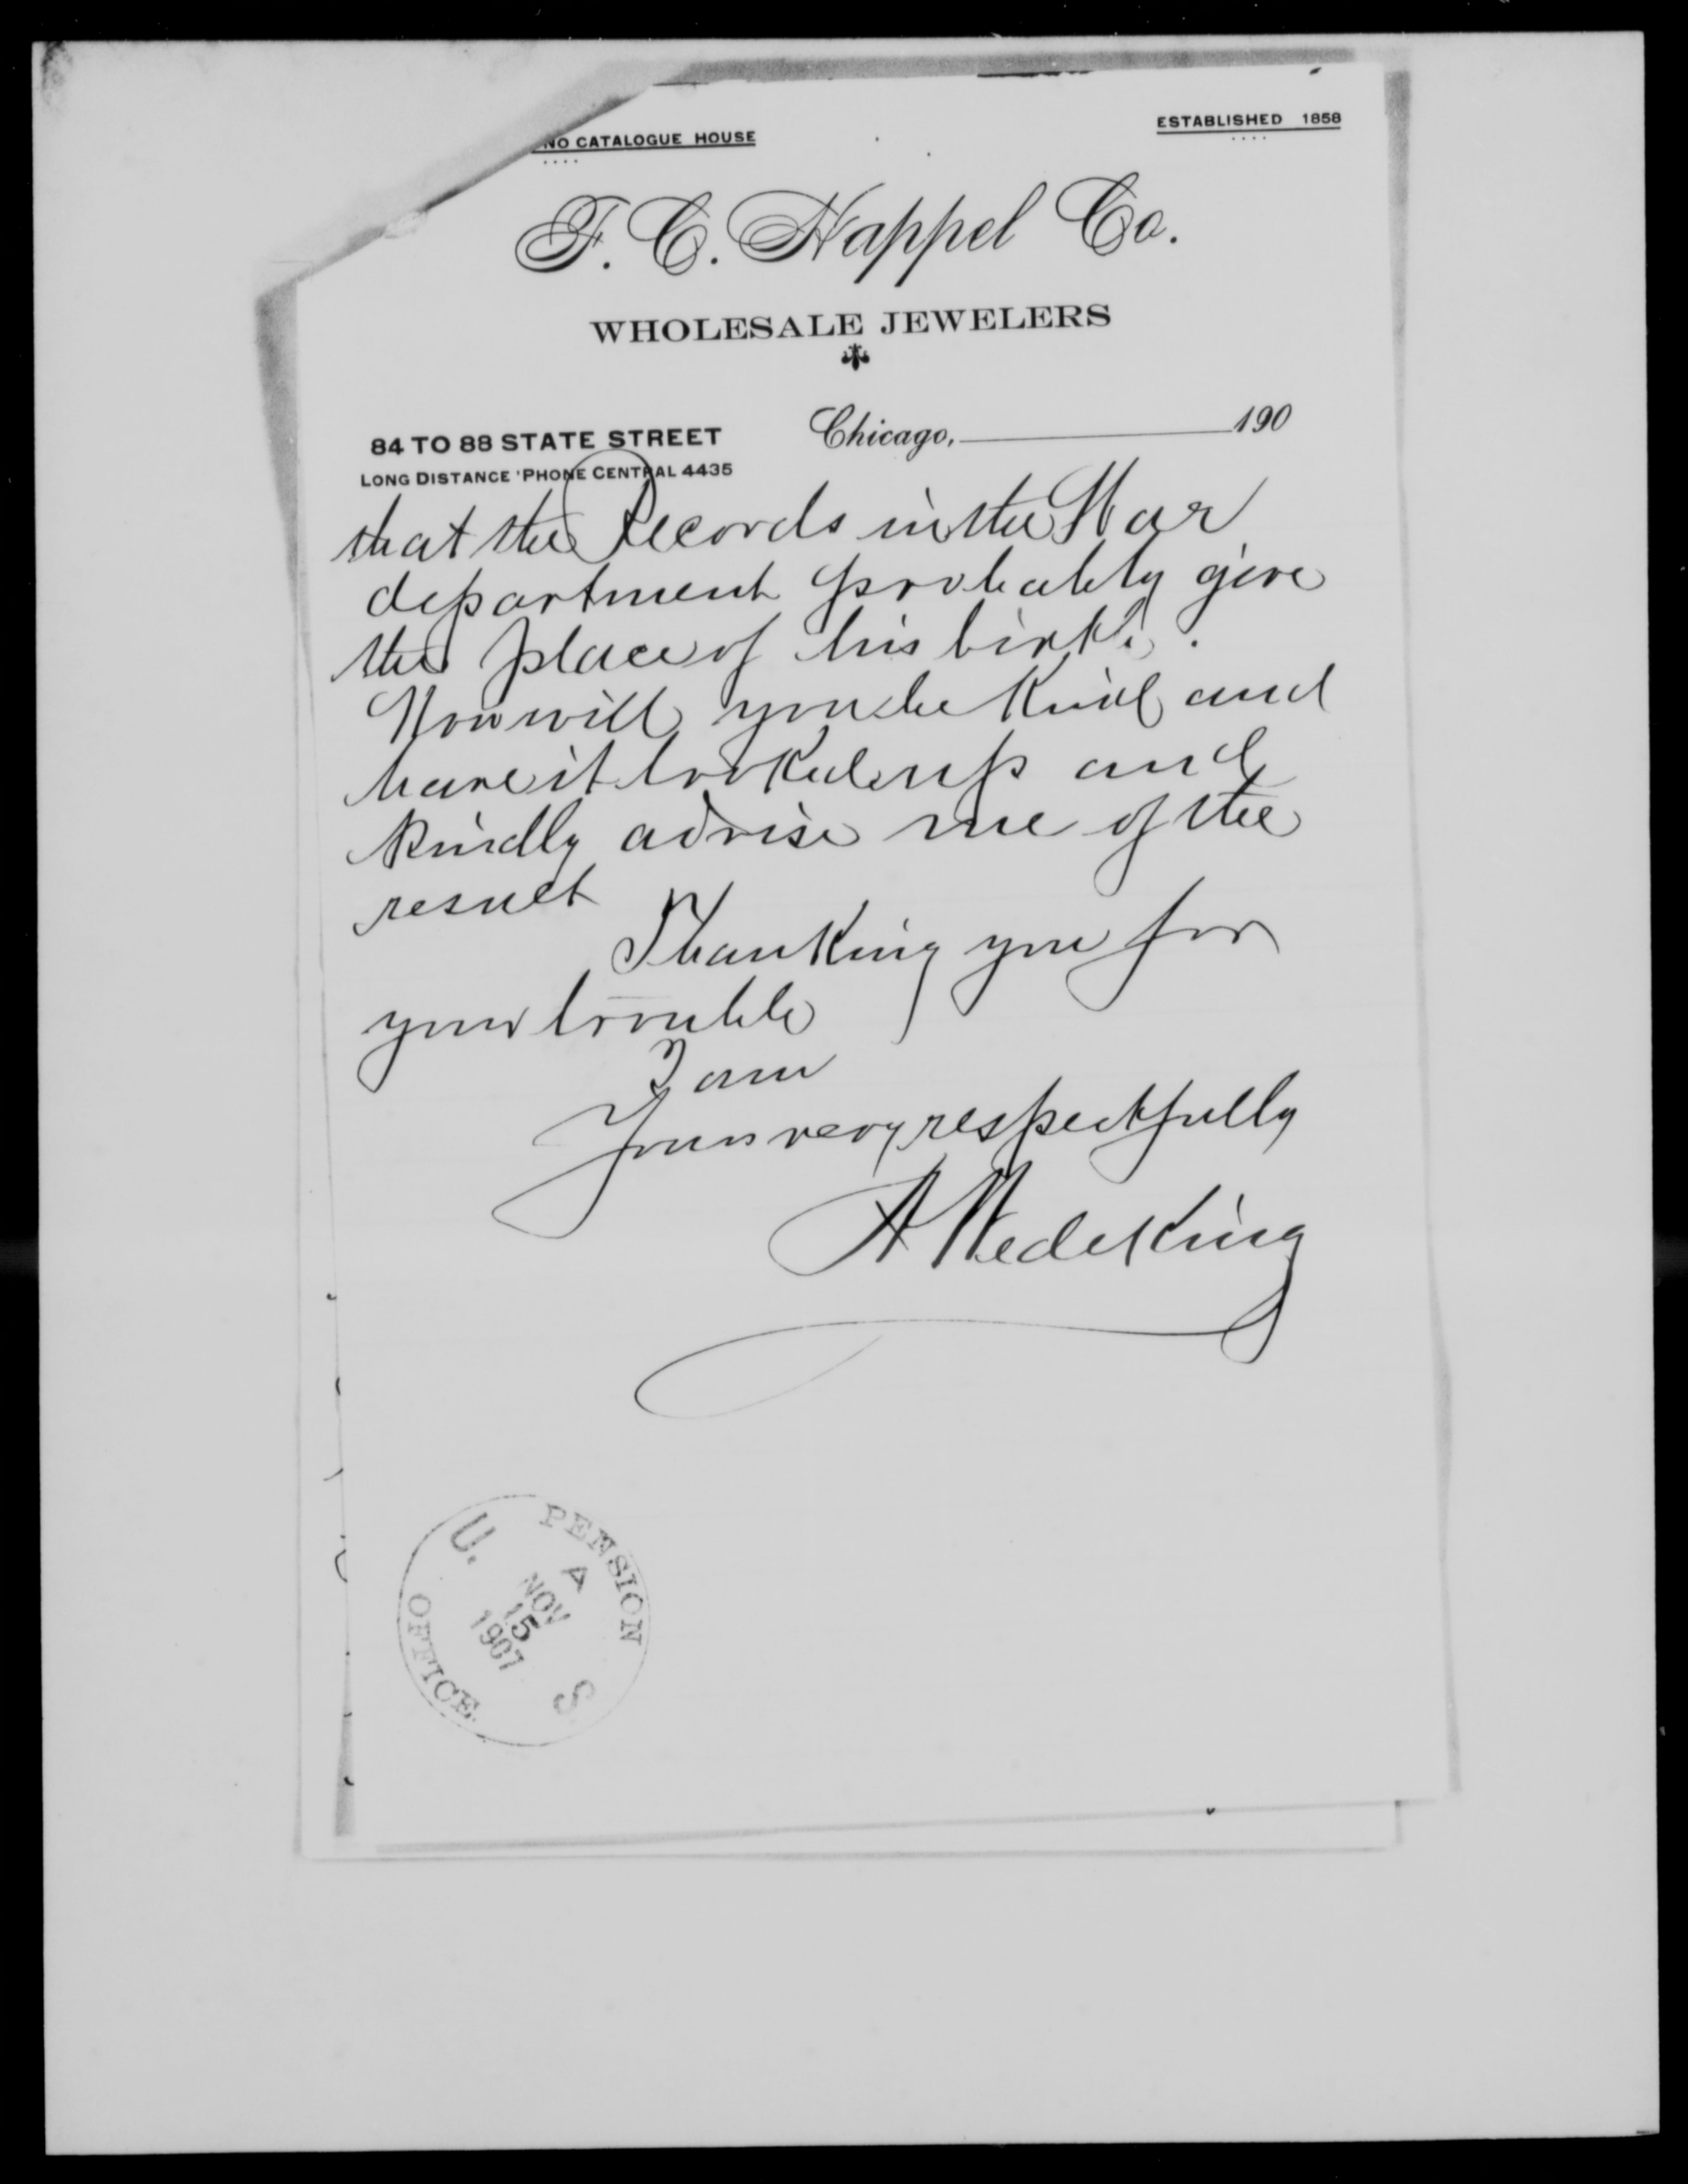[Letterhead]
The Old Reliable—No Catalogue House			Established  1858
F. C. Happel Co.
Wholesale Jewelers
84 to 88 State Street				Chicago, ______190
Long Distance Phone Central 4435
[Letterhead]

that the Records in the War Department probably give the place of his birth. Now will you be kind and have it looked up and kindly advise me of the result.

Thanking you for your trouble
I am
Yours very respectfully
A.  Wedeking

[round stamp] U.S. Pension Office Nove 15, 1907 [round stamp]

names: A Wedeking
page: 37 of 73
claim: widow's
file: W. 3197, for Peter Stillwagon, New Jersey